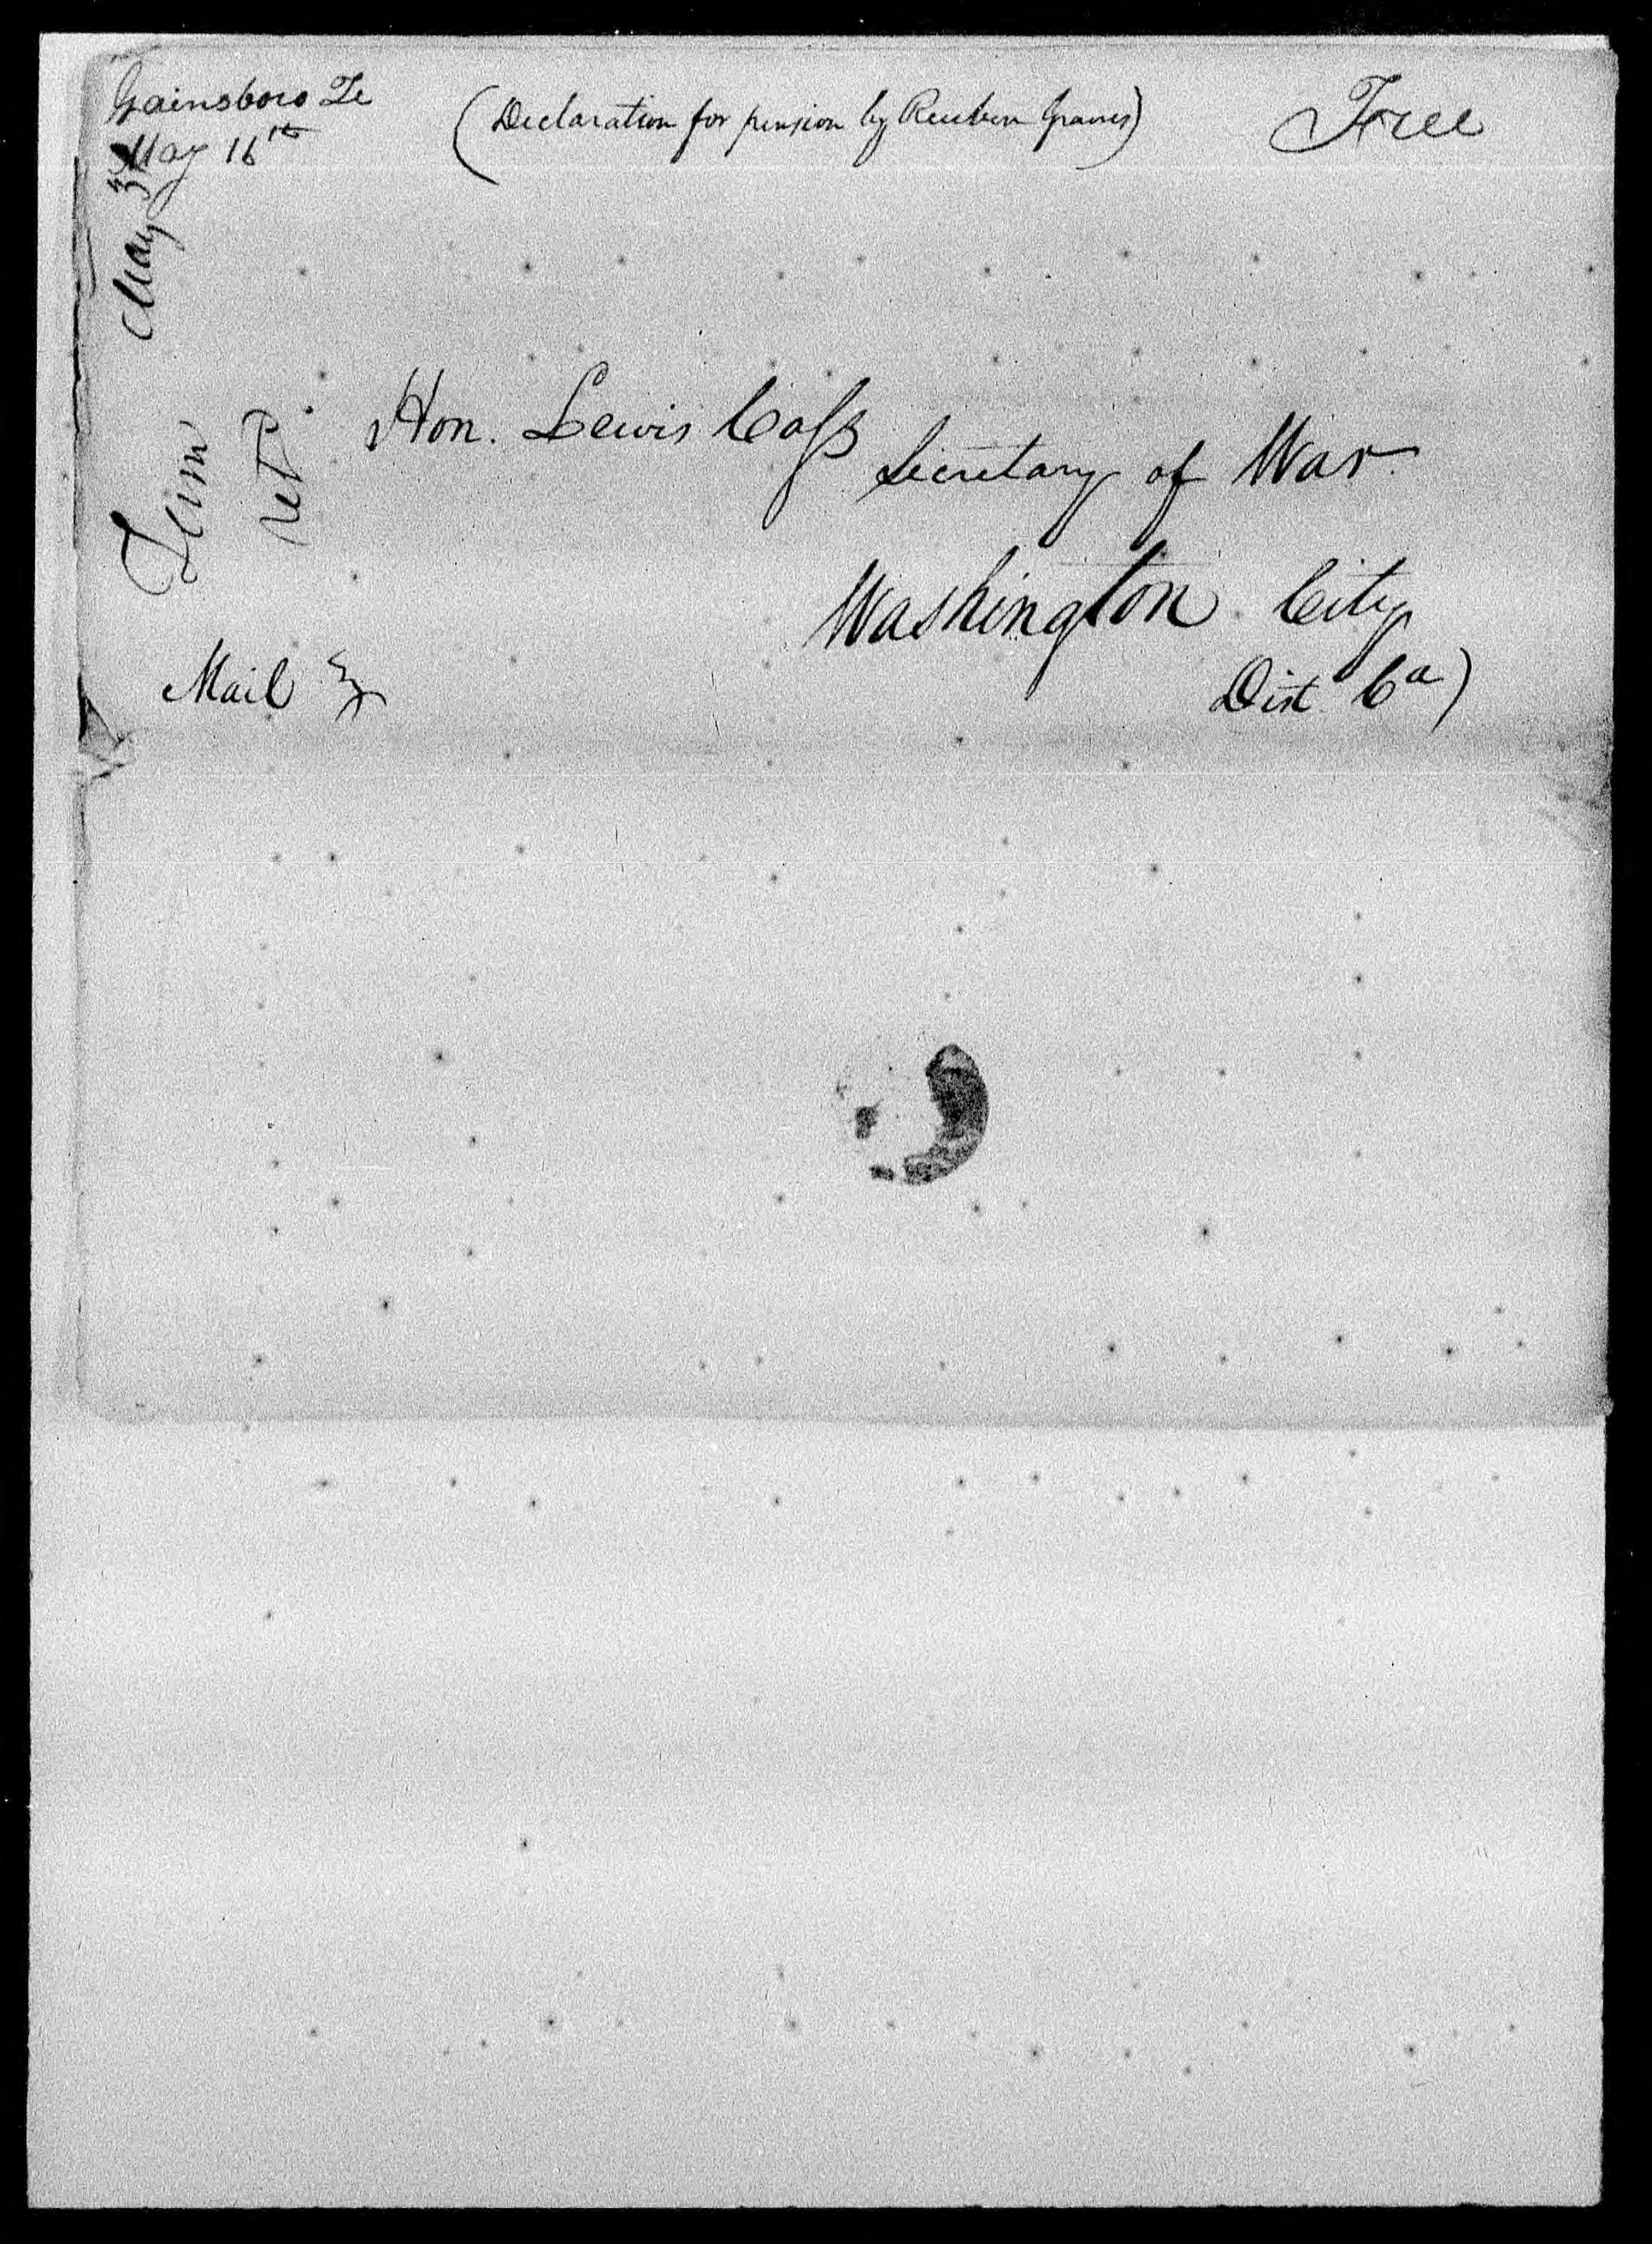Gainsboro, TN
March 16th

(Declaration for pension by Reuben Graves)

Free

Hon. Lewis Cass

Secretary of War,

Washington City,
Dist. Ca


Tenn. May 31
retd.

Mail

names: Lewis Cass, Reuben Graves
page: 22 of 22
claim: survivor's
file: S. 3408, Reuben Graves, Va.